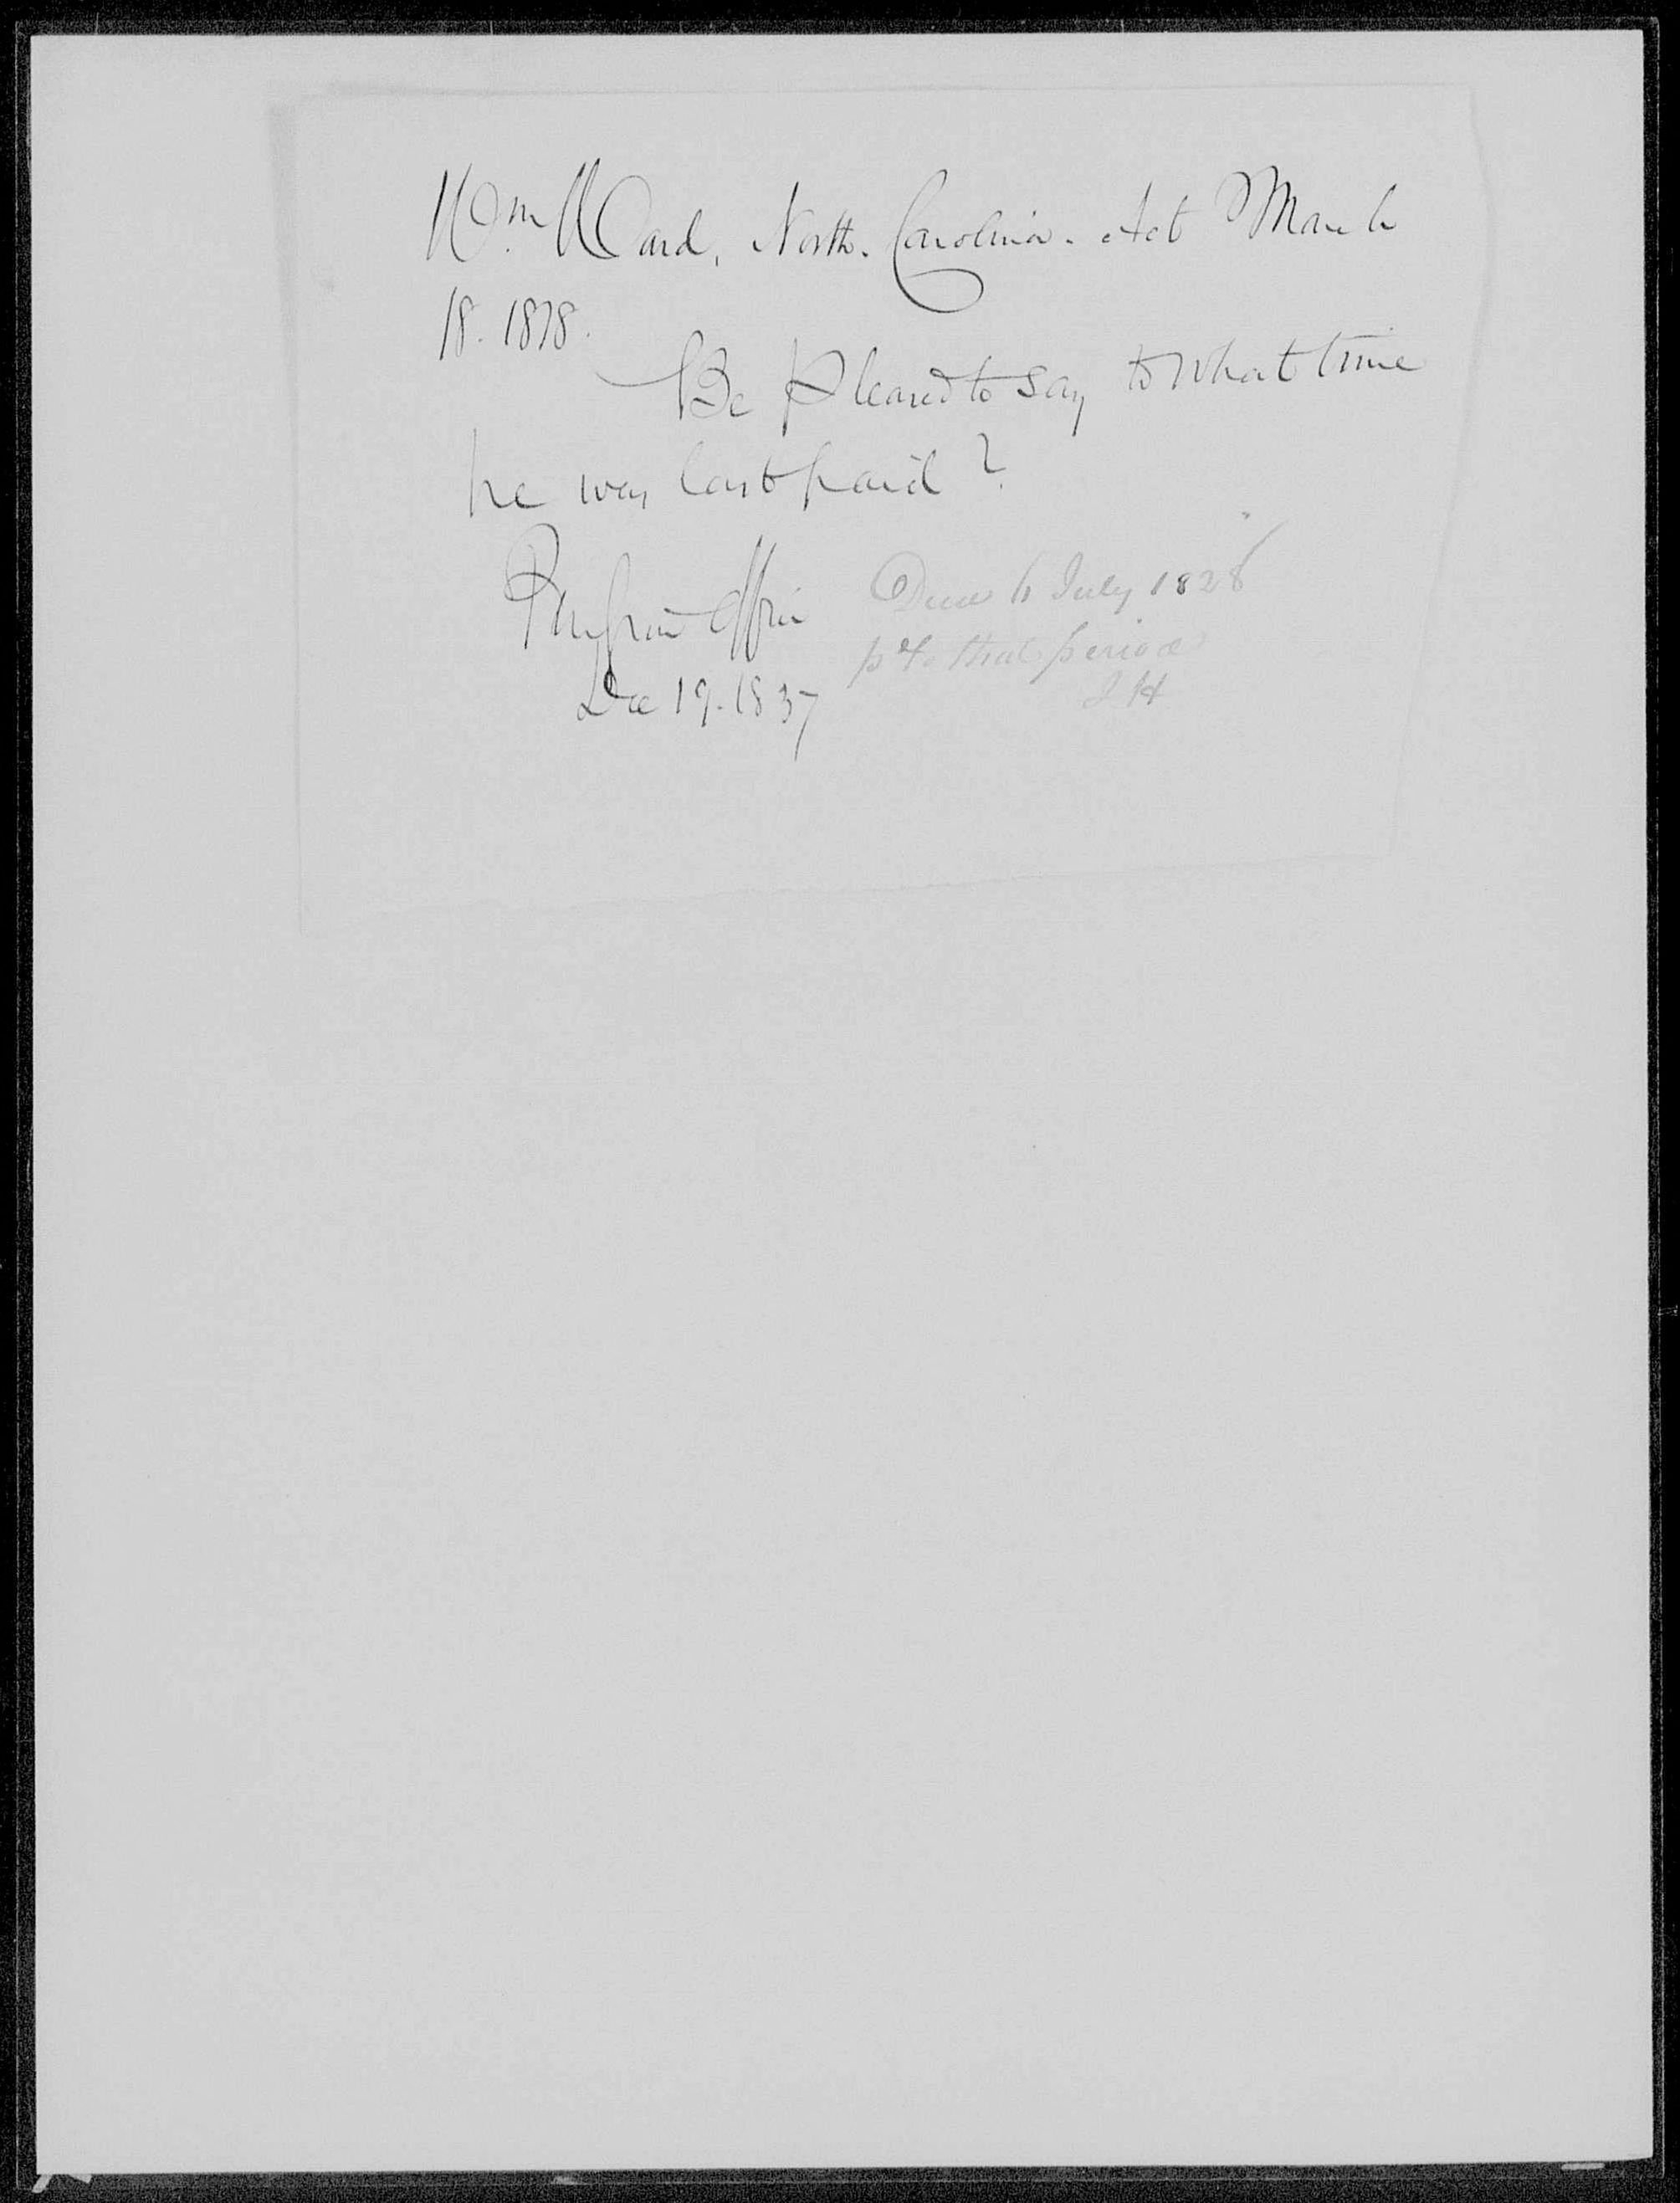Wm Ward, North Carolina. Act March
18. 1878
Be pleased to say to what time
he was last paid?
Pension Office
Dec 19. 1837
Decd 6 July 1828
pd to that period
J H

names: Wm Ward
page: 15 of 17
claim: survivor's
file: S. 42053, William Ward, Ga.